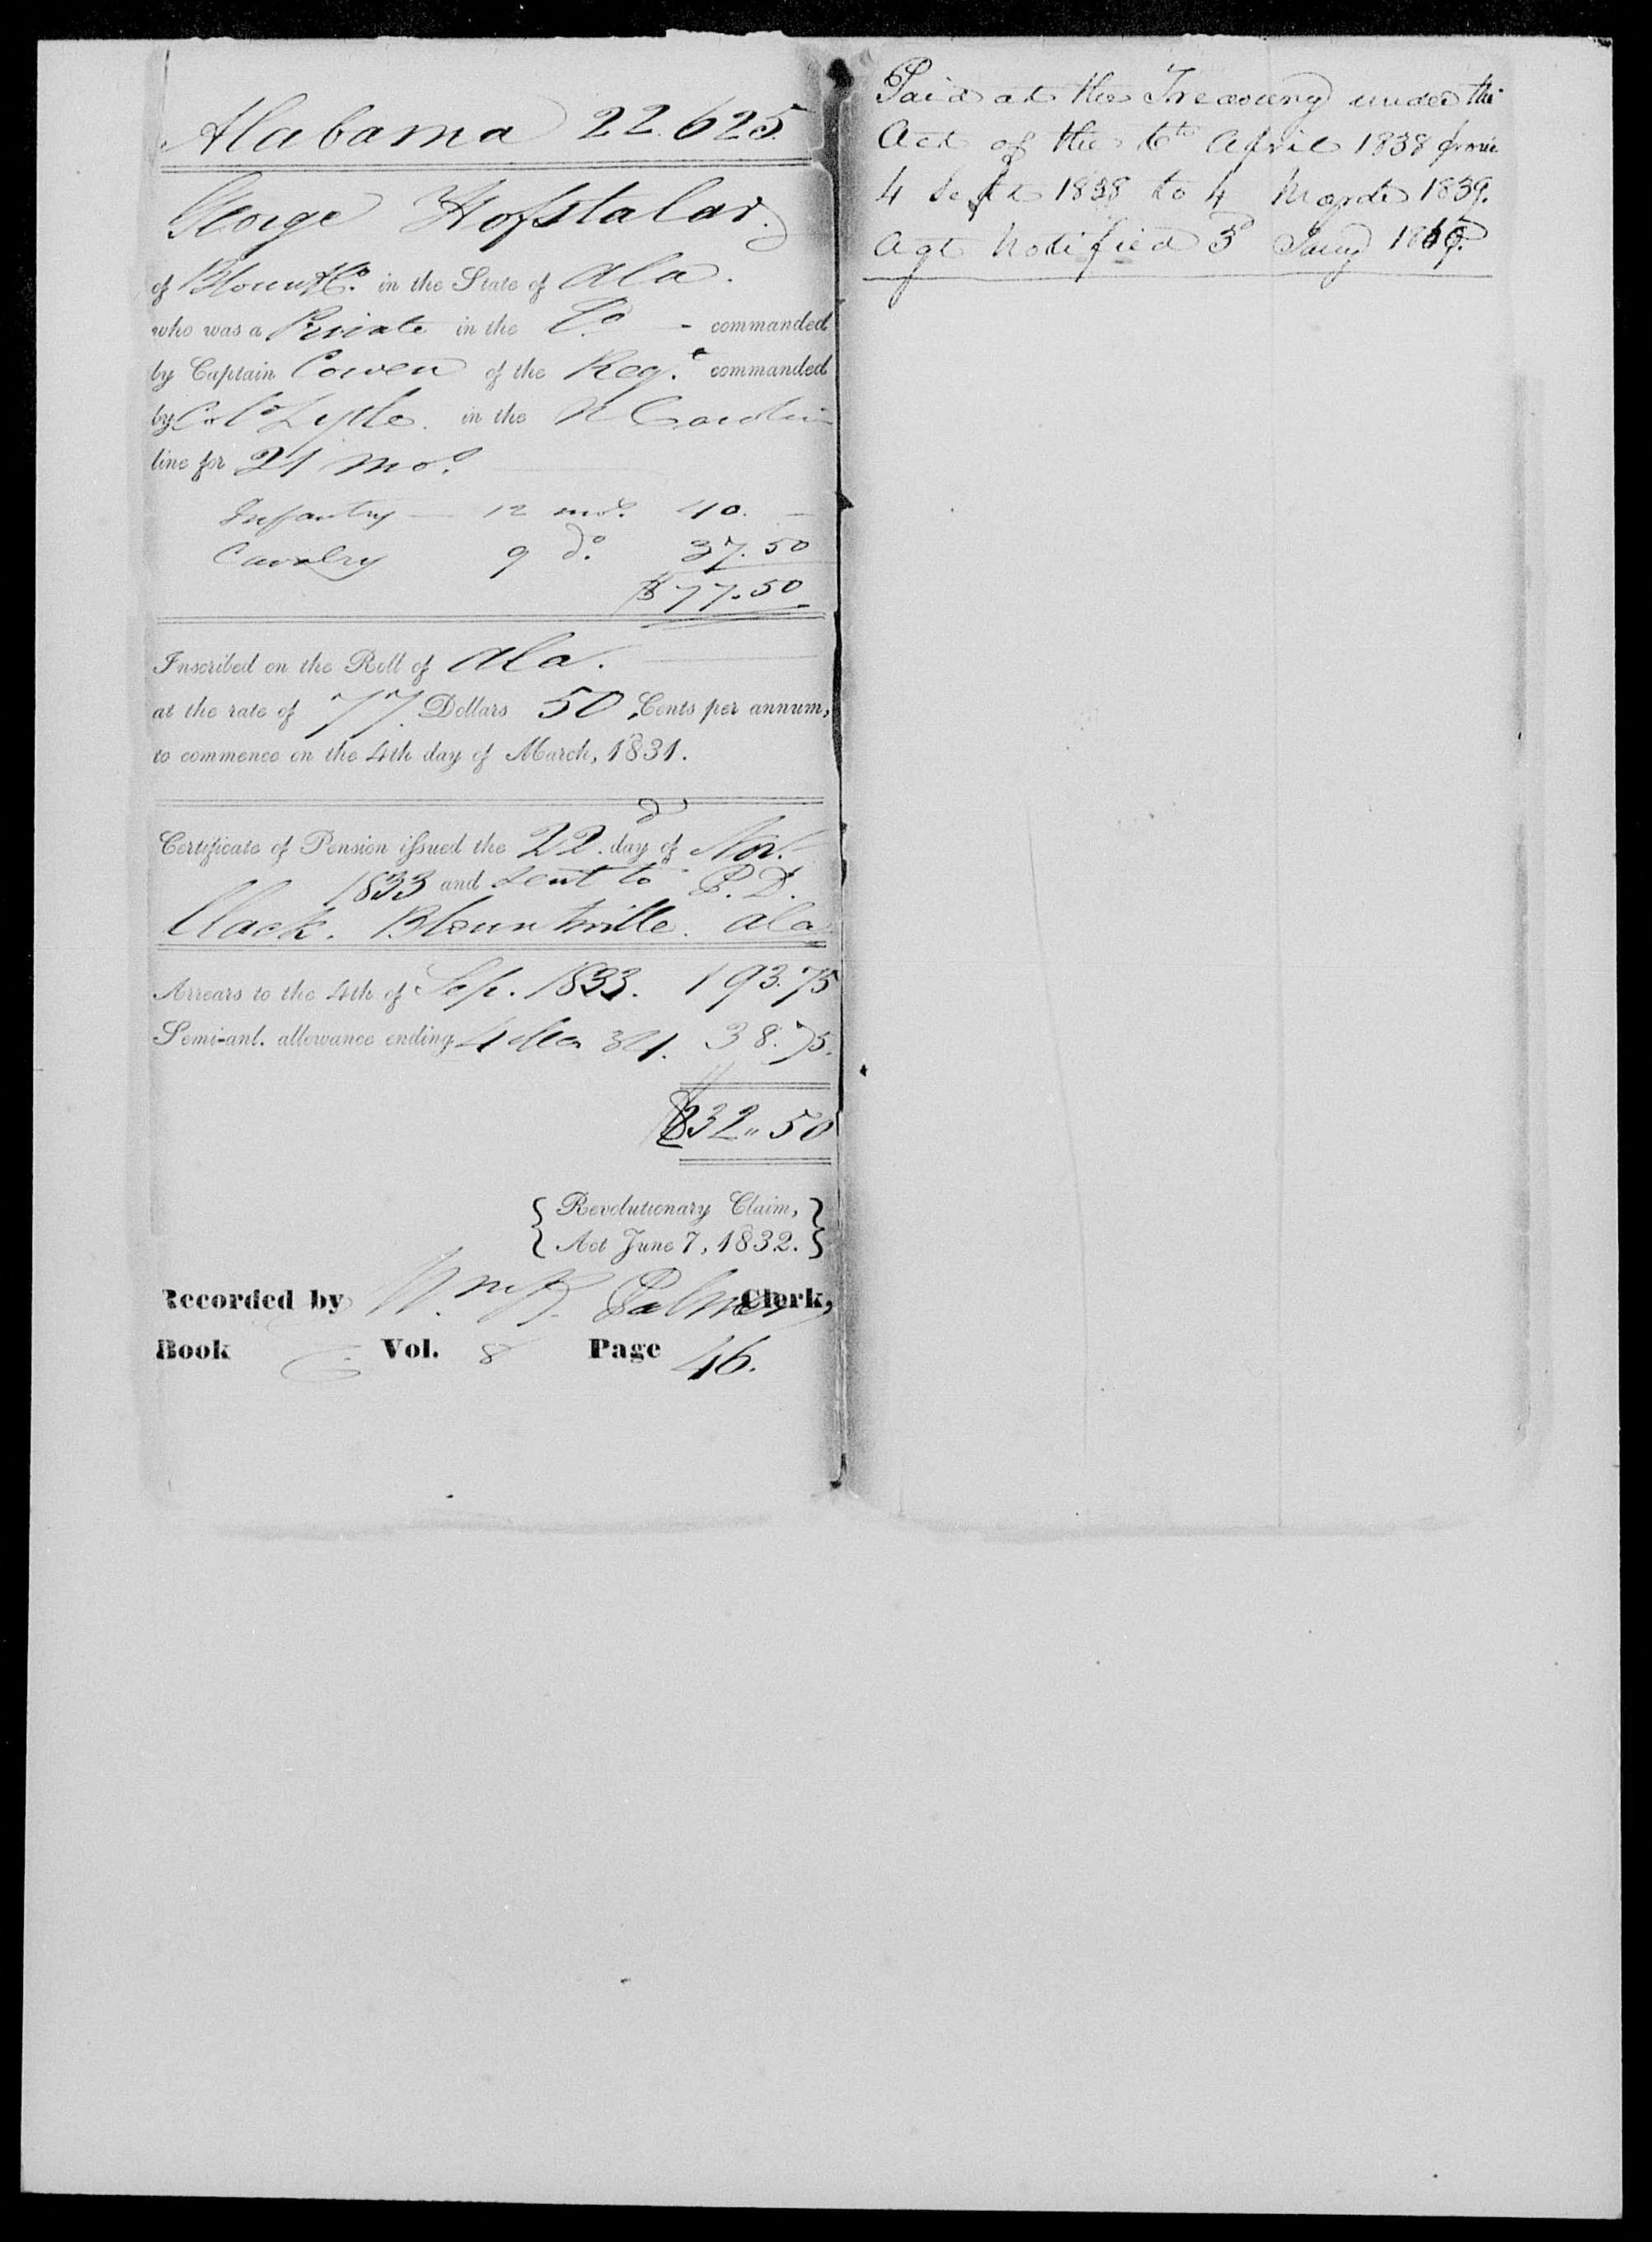Alabama 22.625.

George Hofstalar of Blount C’o. in the State of Ala. who was a Private in the Co. commanded by Captain Cowen of the Reg. commanded by Col Little in the N Carolina line for 21 mo’s.
Infantry– 12 mo’s. 40. –
Cavalry 9 [illegible] 37.50
$77.50

Inscribed on the Roll of Ala. at the rate of 77. Dollars 50. Cents per annum, to commence on the 4th day of March, 1834.

Certificate of Pension issued the 22.’d day of Nov. 1833 and sent to P.D. Clack, Blountville. Ala

Arrears to the 4th of Sep. 1833. 193.75
Semi-anl. Allowance ending 4 [illegible] 34. 38.75
$232.50

{Revolutionary Claim, Act June 7, 1832.}
Recorded by Wm. R. Palmer Clerk,
Book [illegible] Vol. 8 Page 46.

Paid at the Treasury under the Act of the 6th April 1838 from 4 Sept 1838 to 4 March 1839. Agt notified 3d Jany 1869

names: George Hofstalar, P D Clack, Wm R Palmer, Lytle, Cowen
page: 2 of 18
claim: survivor's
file: S. 15176, George Hofstalar, N.C.